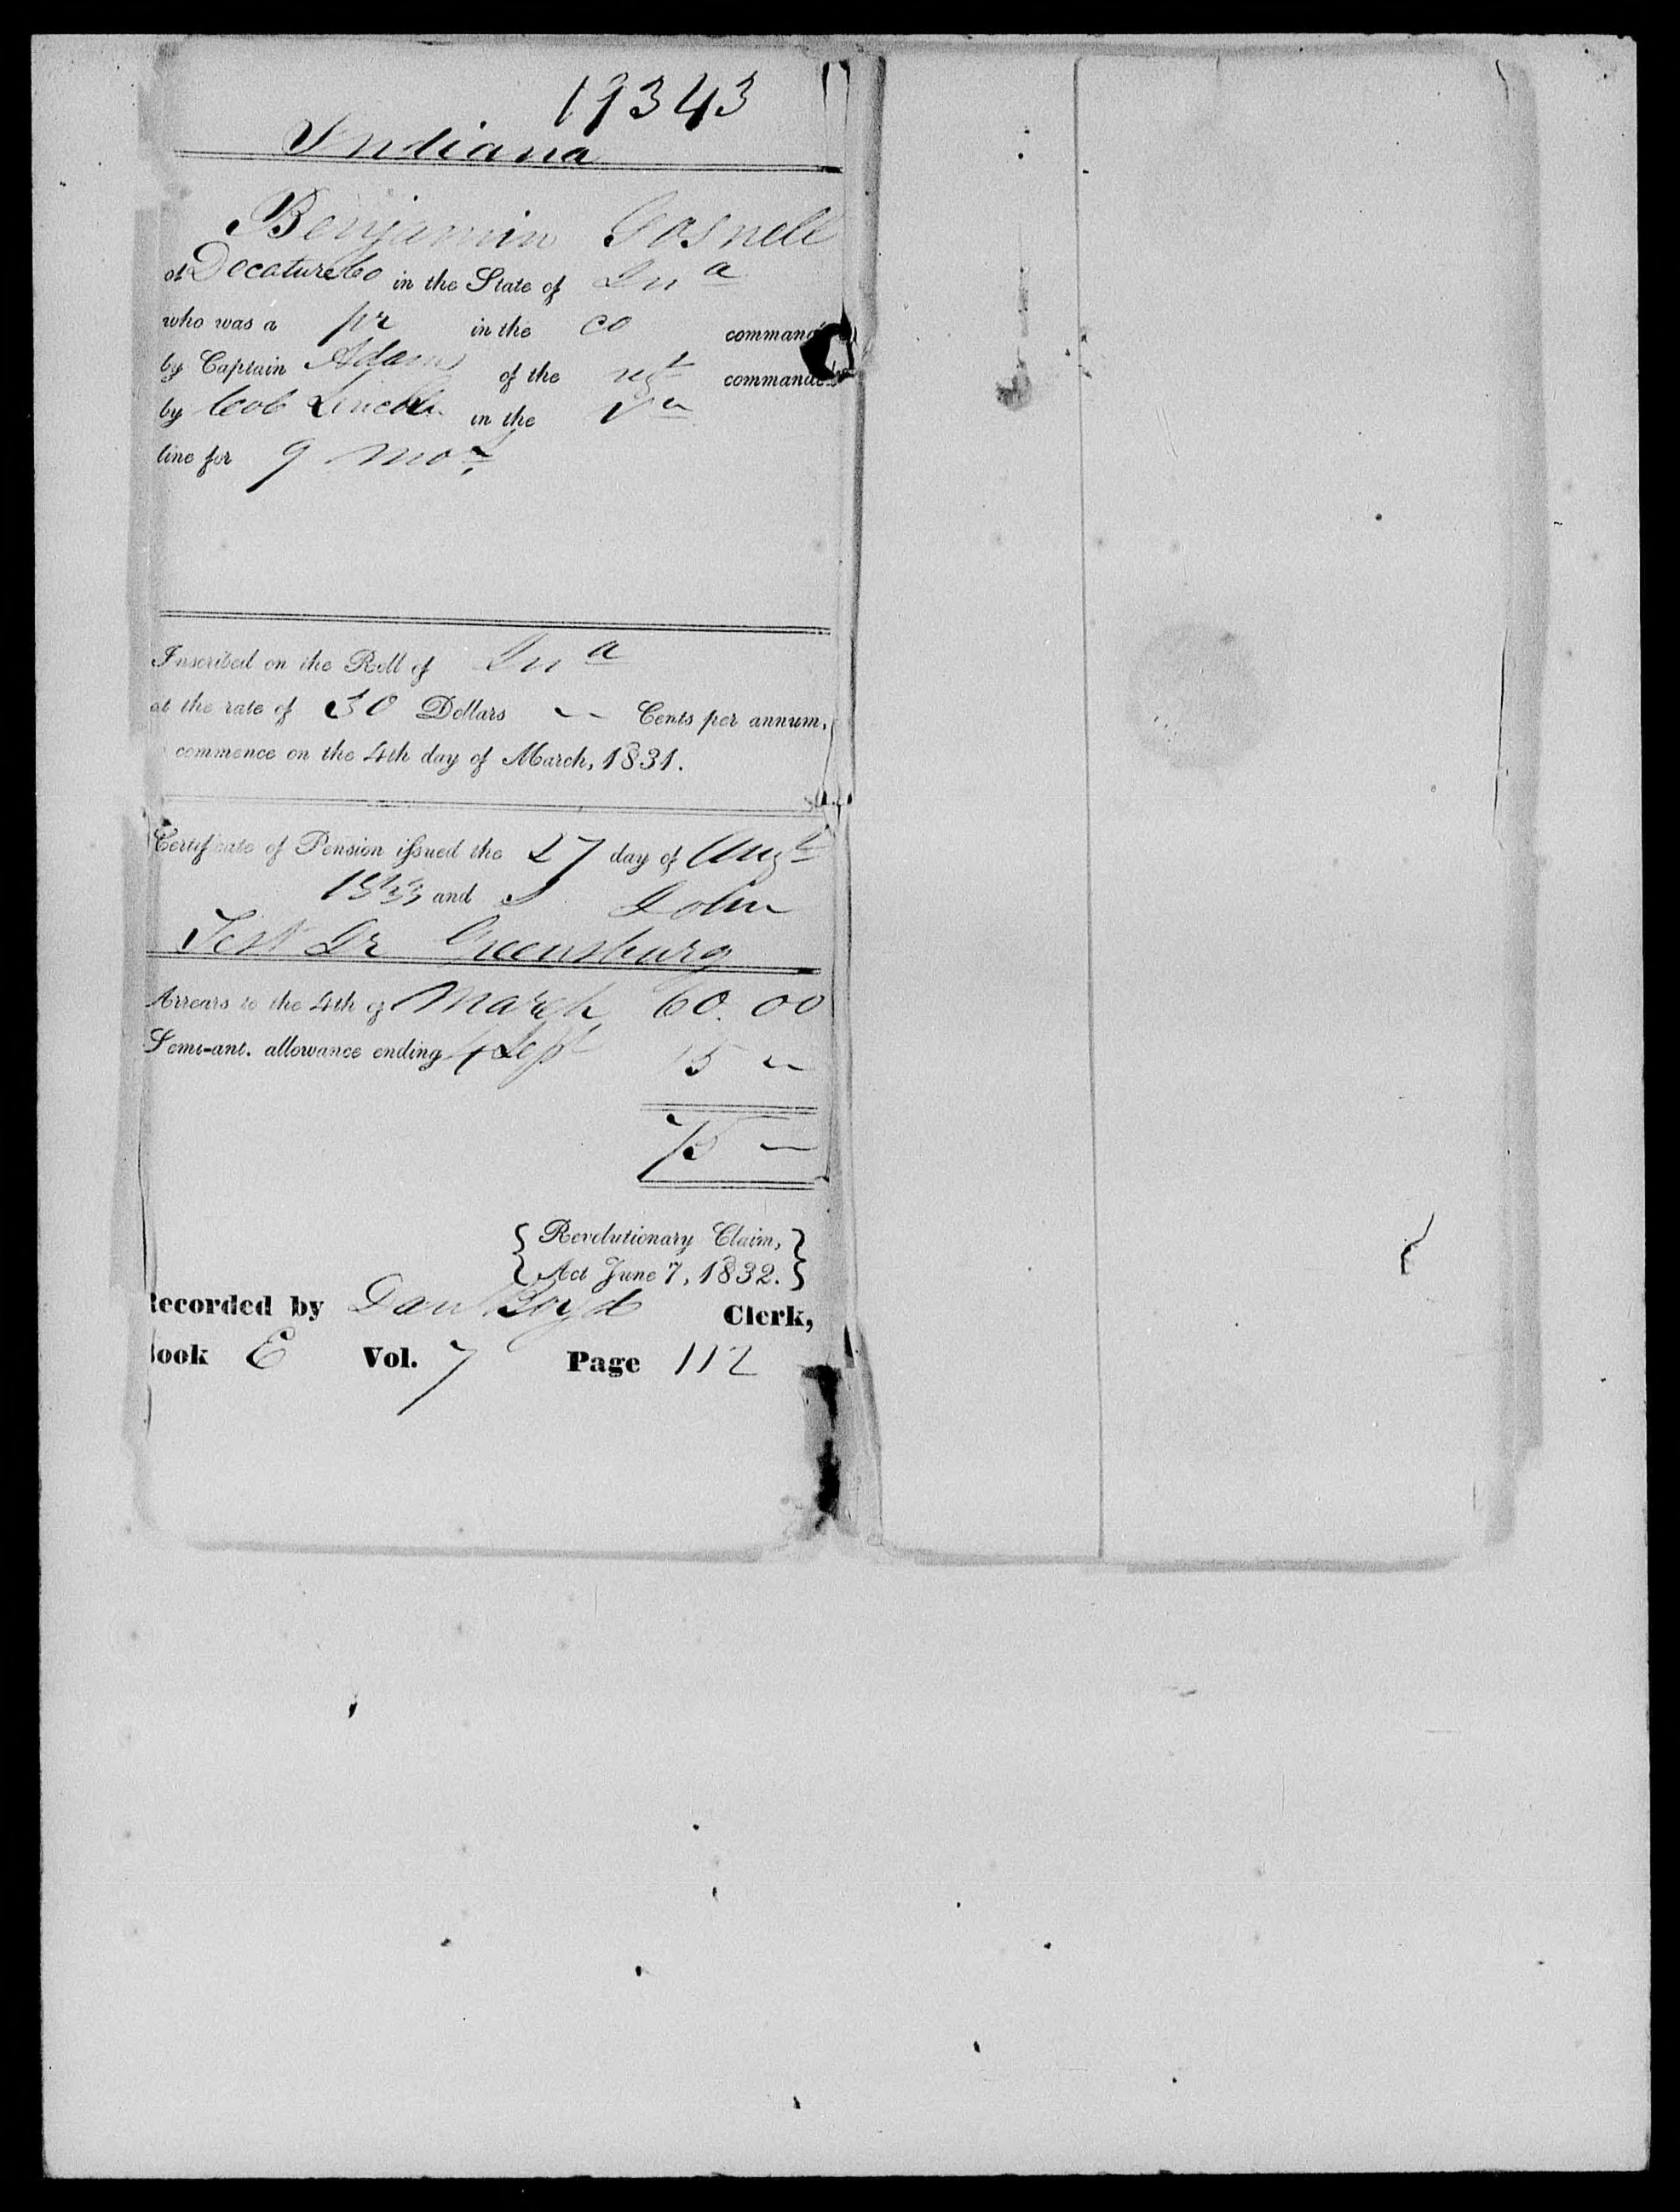19343
Indiana
Benjamin Gosnell
of Decatur Co. [County] in the State of Ind [Indiana]
who was a pr [private] in the Co. [Company] commanded
by Captain Adams of the regt [regiment]  commanded
by Col. Linch [Lynch] in the Va [Virginia]
line for 9 mos [months]

Inscribed on the Roll of Ind [Indiana]
at the rate of 30 Dollars  - Cents per annum,
to commence on the 4th day of March, 1831.

Certificate of Pension issued the 27 day of Augt
1833 and S. John Test Jr Greensburg

Arrears to the 4th of March               60.00
Semi-ant. allowance ending 4 Sept     15 -
                                                           ______
                                                            75 -
                                                           ______
                                                {Revolutionary Claim,}
                                                {Act June 7, 1832.      }
Recorded by Danl Boyd  Clerk,
Book E  Vol. 7  page 112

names: Adams, John Test, Danl Boyd, Benjamin Gosnell, Lincoln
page: 2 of 39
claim: widow's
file: W. 11060, Benjamin Gosnell, Va.